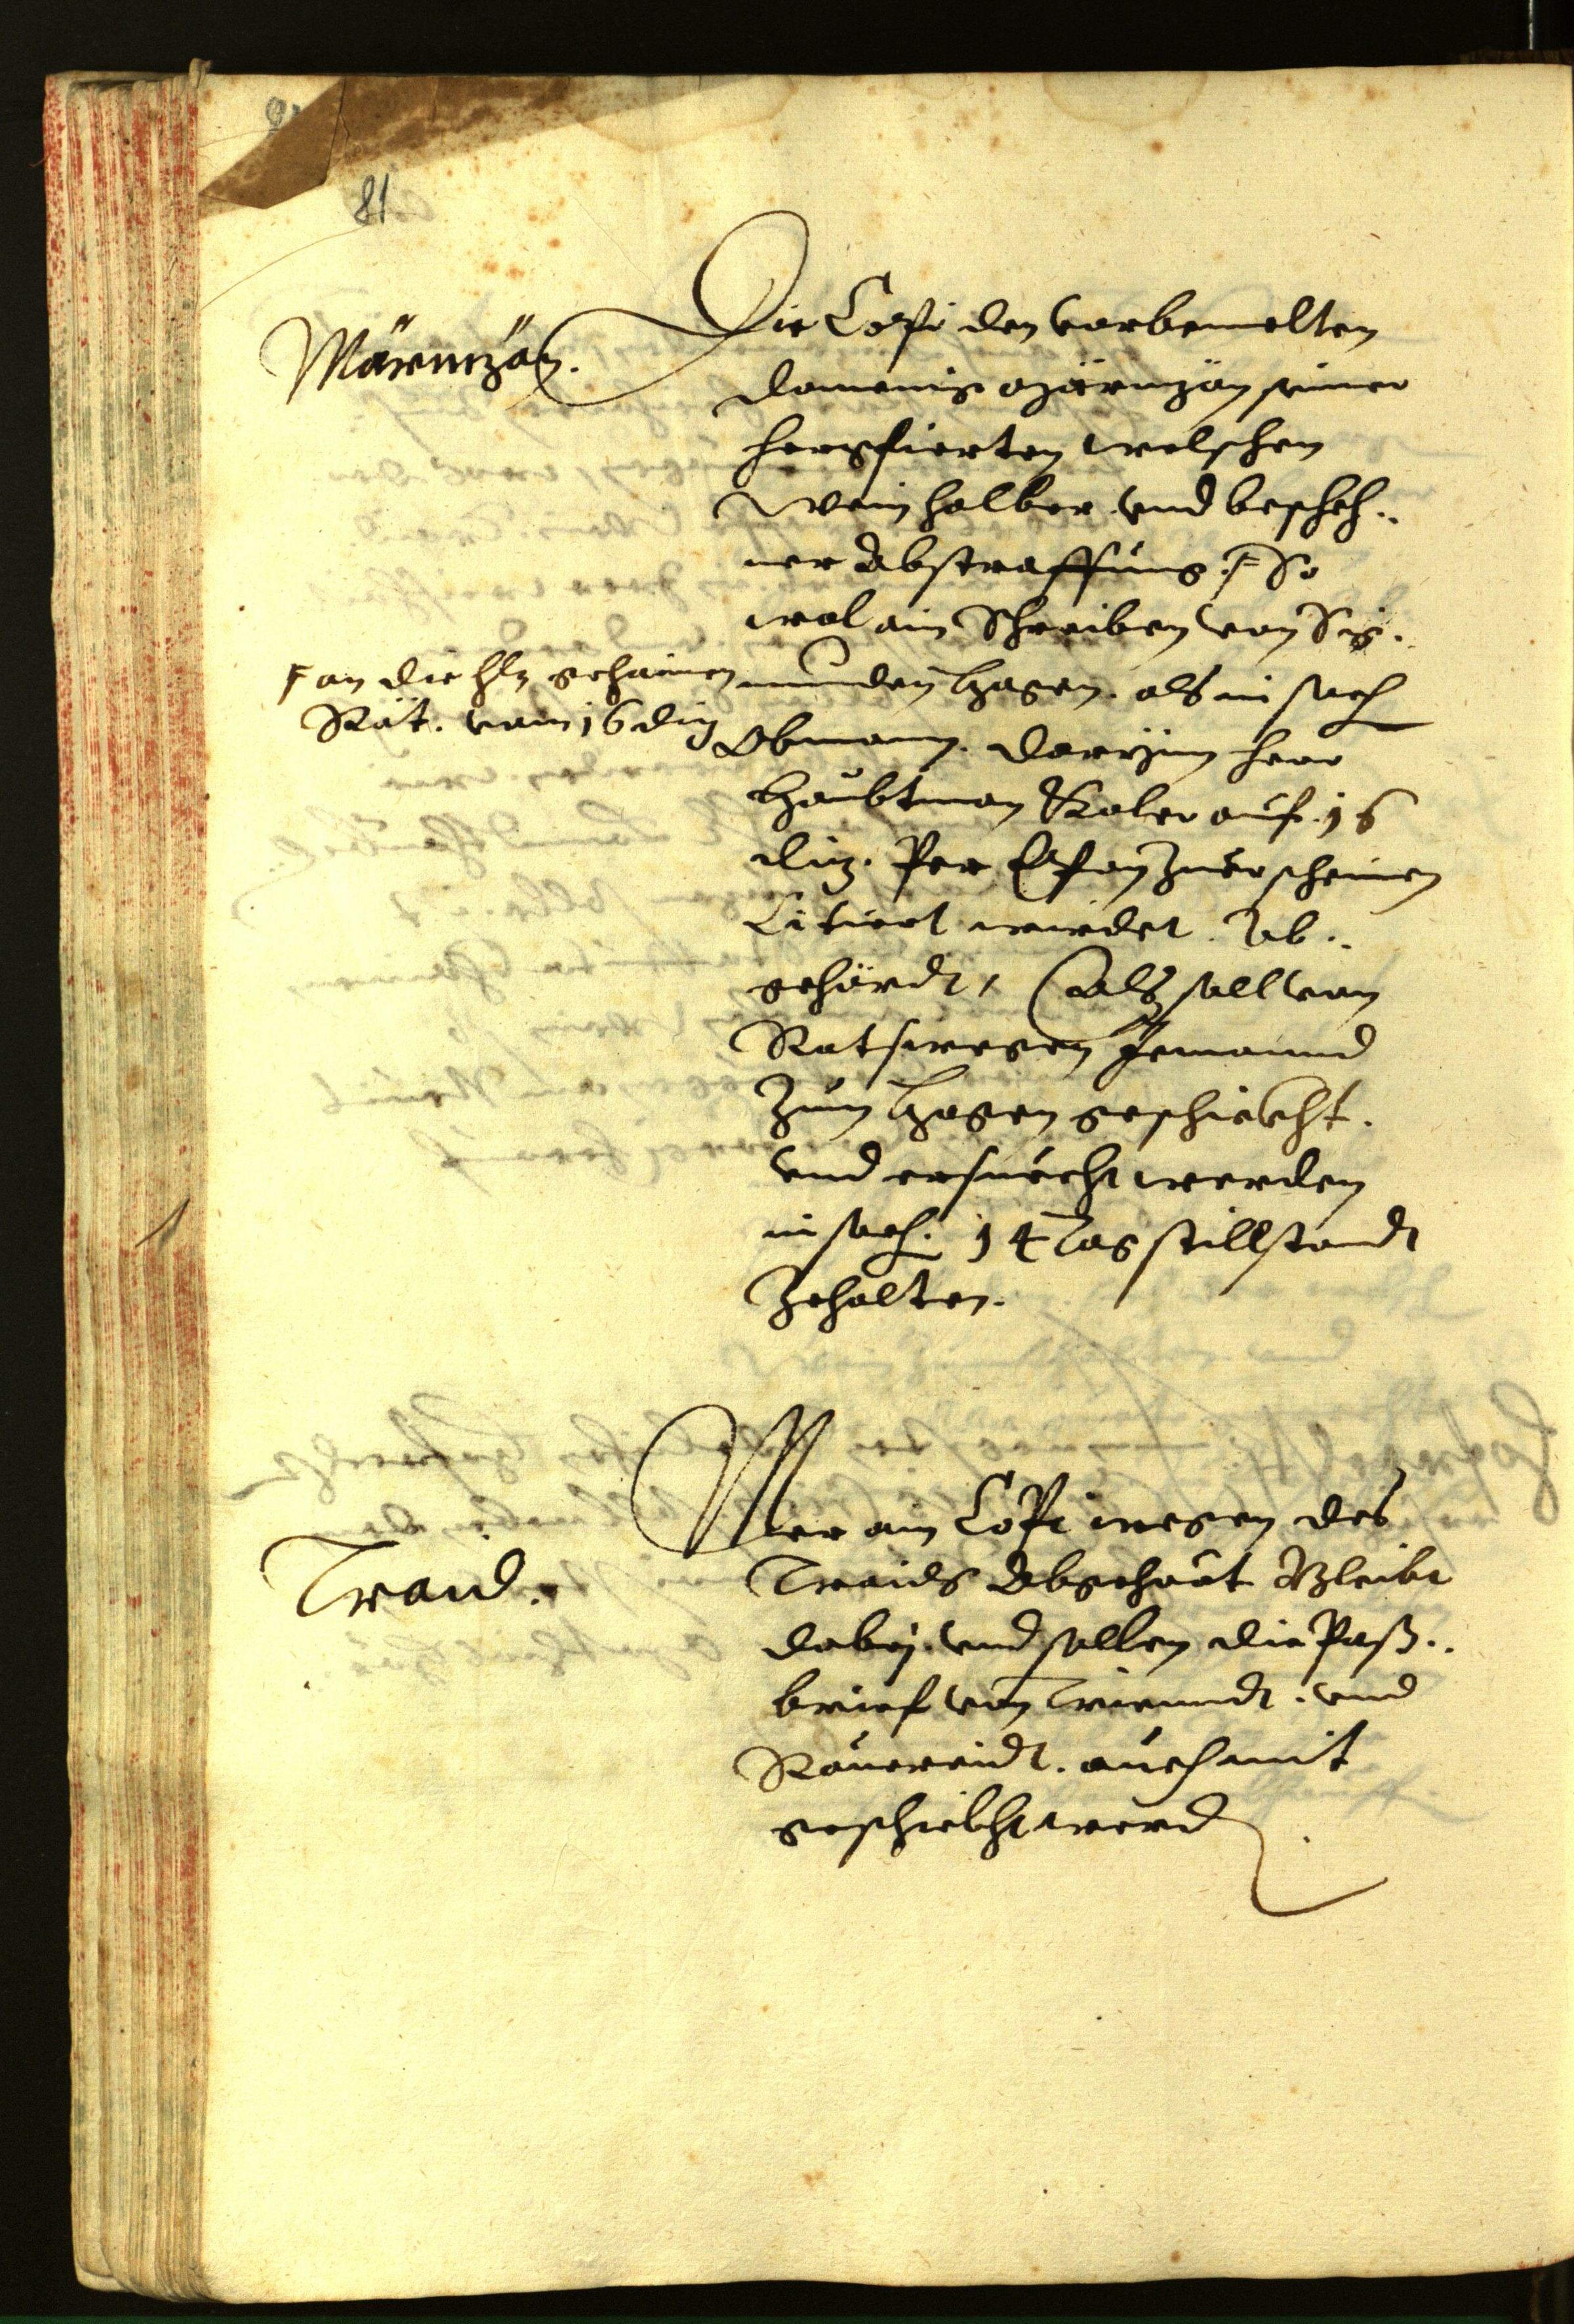81
Die CoPi den vorbemelten
Domenig Märnzän seiner
hergfierten welschen
Wein halber. vnd bescheh¬
ner Abstraffūng. So
wol ain Schreiben von Sig¬
Märnzän.
an die hln gehaimen
Rät. vom 16. diz
mūnden Hagen. als in sach.
Obmann. darÿnn herr
Haūbtman Koler aūf. 16
diz. Per EPan Zūerscheinen
Citiert wirdet. Ab¬
gehördt, Als soll von
Ratswegen Jemannd
Zūm Hagen geschickht.
vnd ersūecht werden
in sach. 14 Tag stillstandt
Zehalten.
Mer ain CoPi wegen des
Traids Abgehōrt. Bleibt
dabej. vnd sollen die Paß¬
brief von Trienndt. vnd
Roūereidt. aūch mit
geschickht werd.
Traid